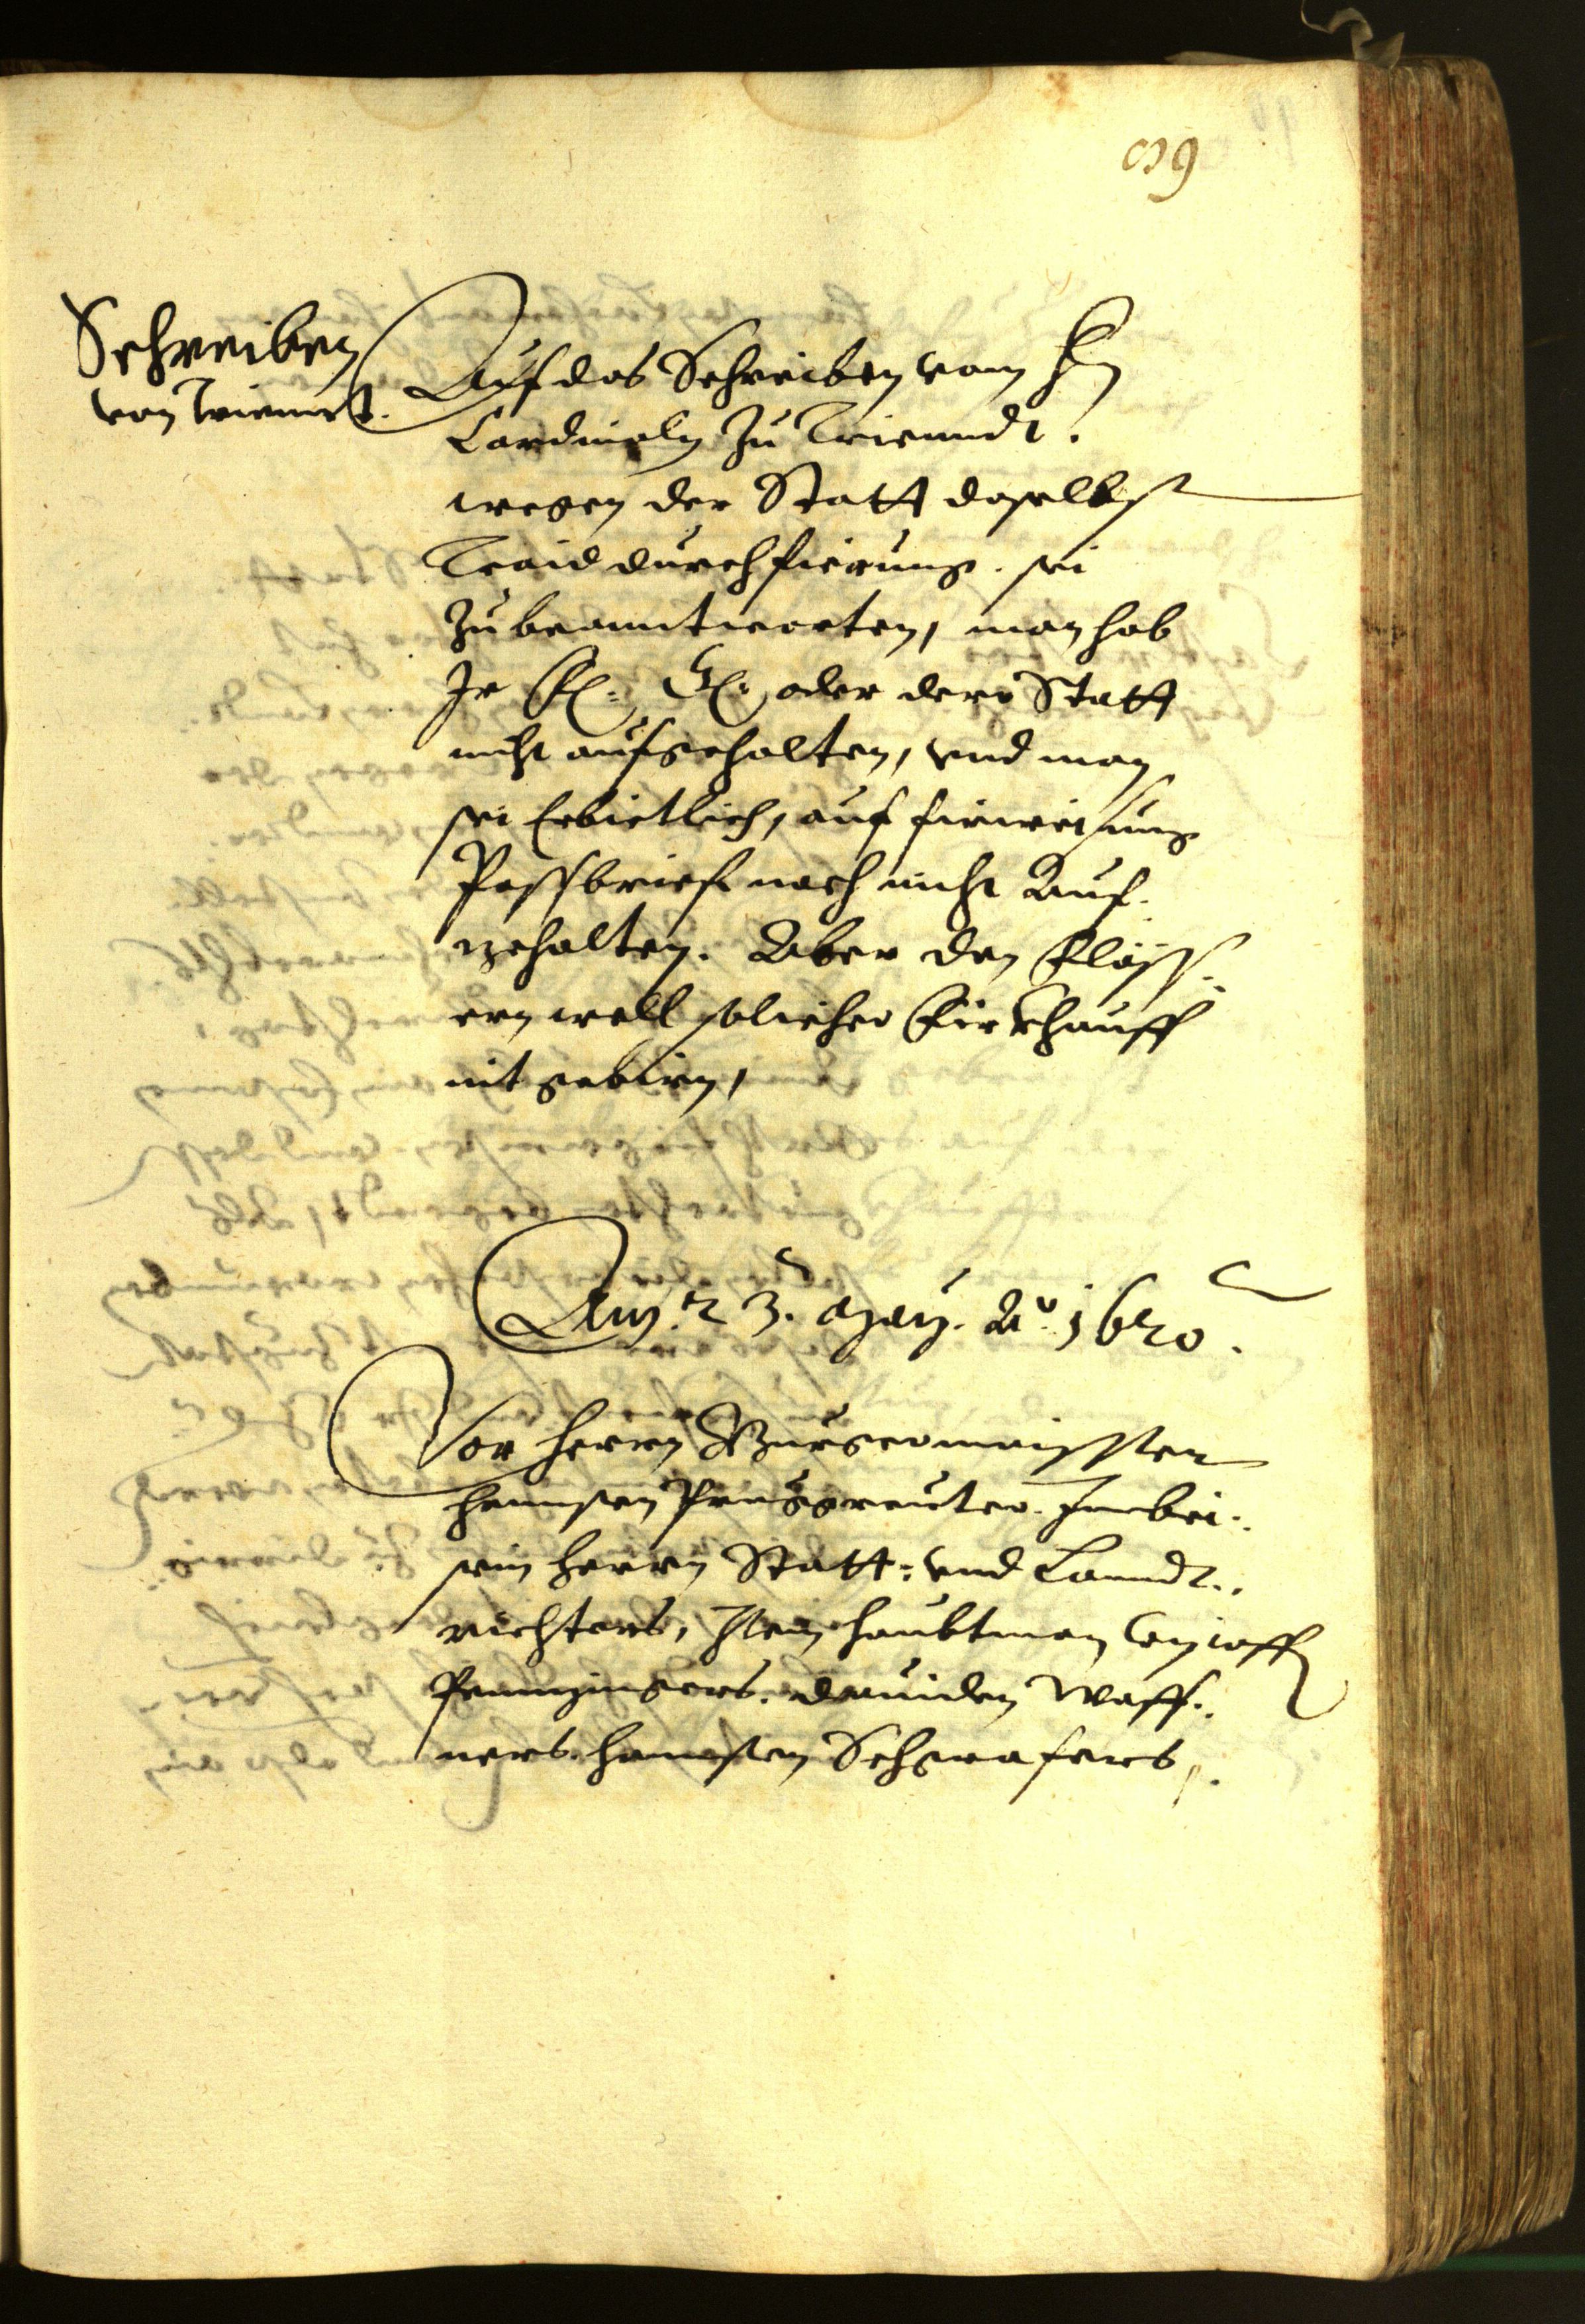89
Schreiben
von Triennt.
Aūf das Schreiben vom hn
Cardinaln Zū Trienndt.
wegen der Statt daselbst
Traid dūrchfierūng. sei
Zū beanntworten, man hab
Ir Fl: G: oder dero Statt
nicht aūsgehalten, vnd man
sei Erbietlich, aūf firweisūng
Passbrief noch nicht Aūf¬
zehalten. Aber den Flöss¬
ern well solicher Firkhaūff
nit gebirn,
t t
Am .23. Maȳ. Ao. 1620.
Vor herrn Būrgermaisster
hannsen Prūggreūter. Innbei¬
sein herrn Statt: vnd Lanndt¬
richters, Item haūbtman Cristoff
Pennzingers. Daūiden Waff¬
ners. hannsen Schgrafers.